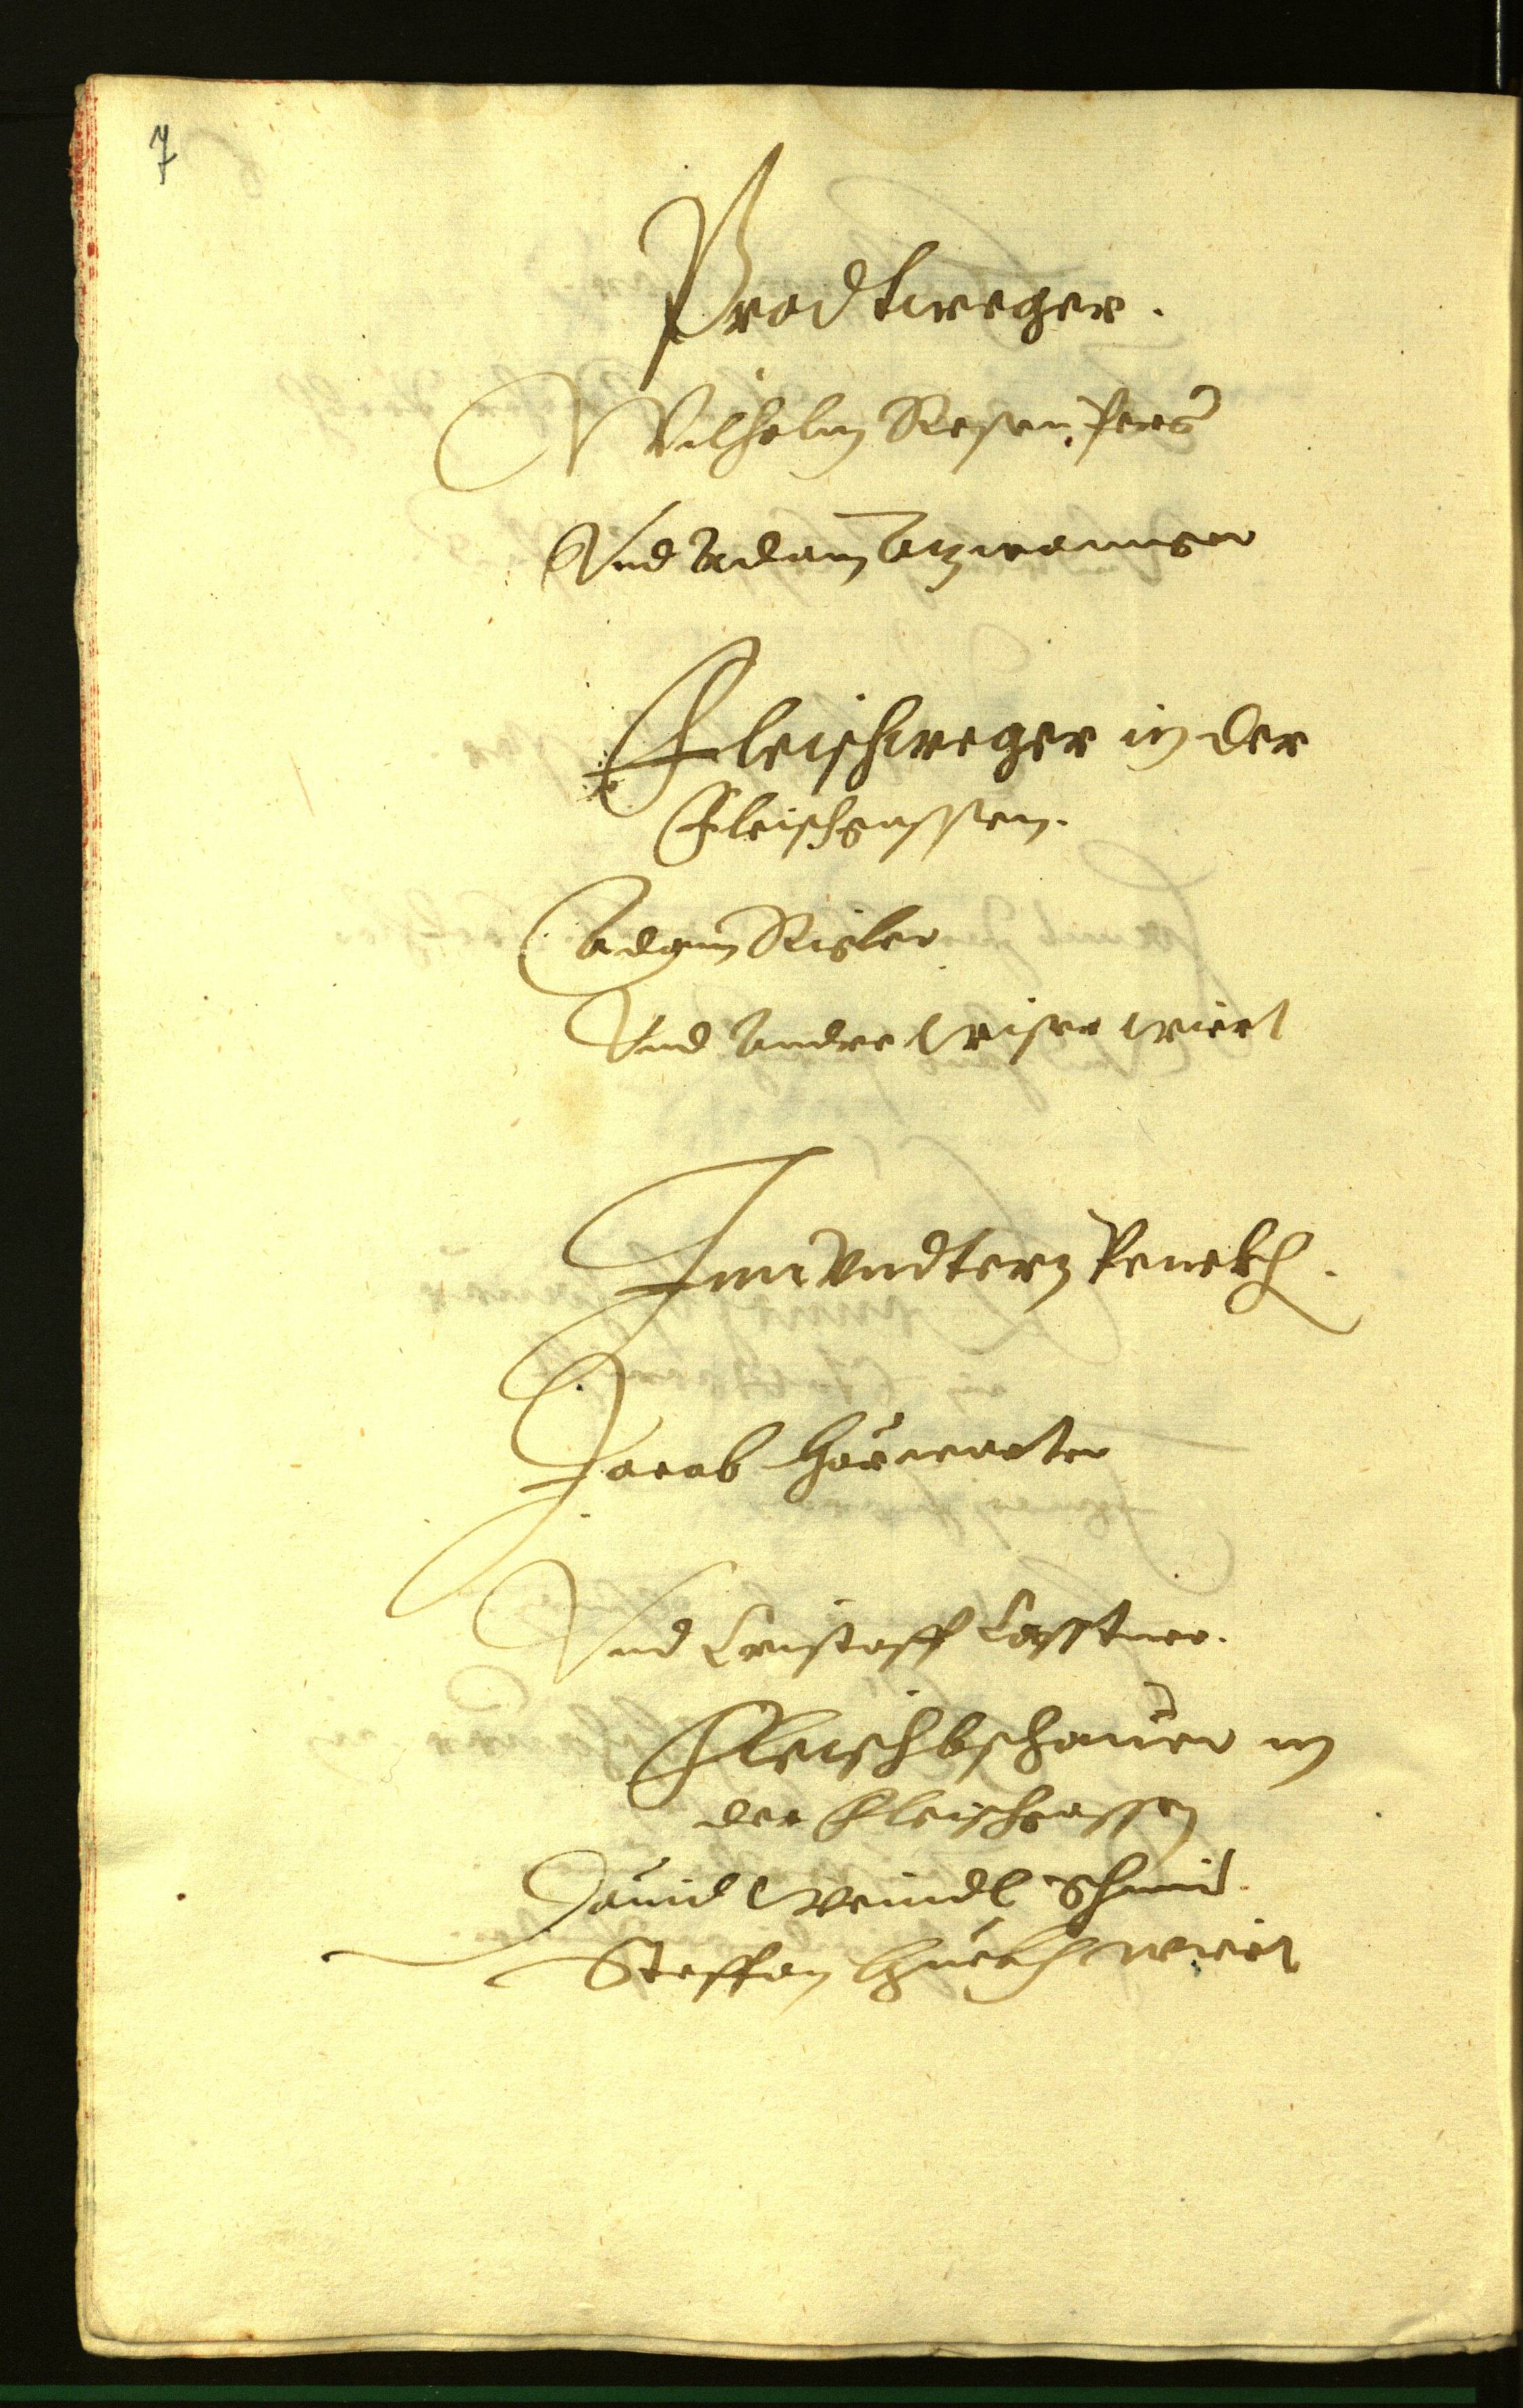7
Prodtweger.
Wilhelm Resen Perg
Vnd Adam Azwannger
Fleischweger in der
Fleischgassen.
Adam Rigler
Vnd Andre Wiser Wiert
Inn Vndtern Penckh.
Jacob Hōrwarter
Vnd Cristoff Casstner.
Fleischbschaūer in
der Fleischgassen
Dāvid Weindl Schmid.
Steffan Hūckh Wiert